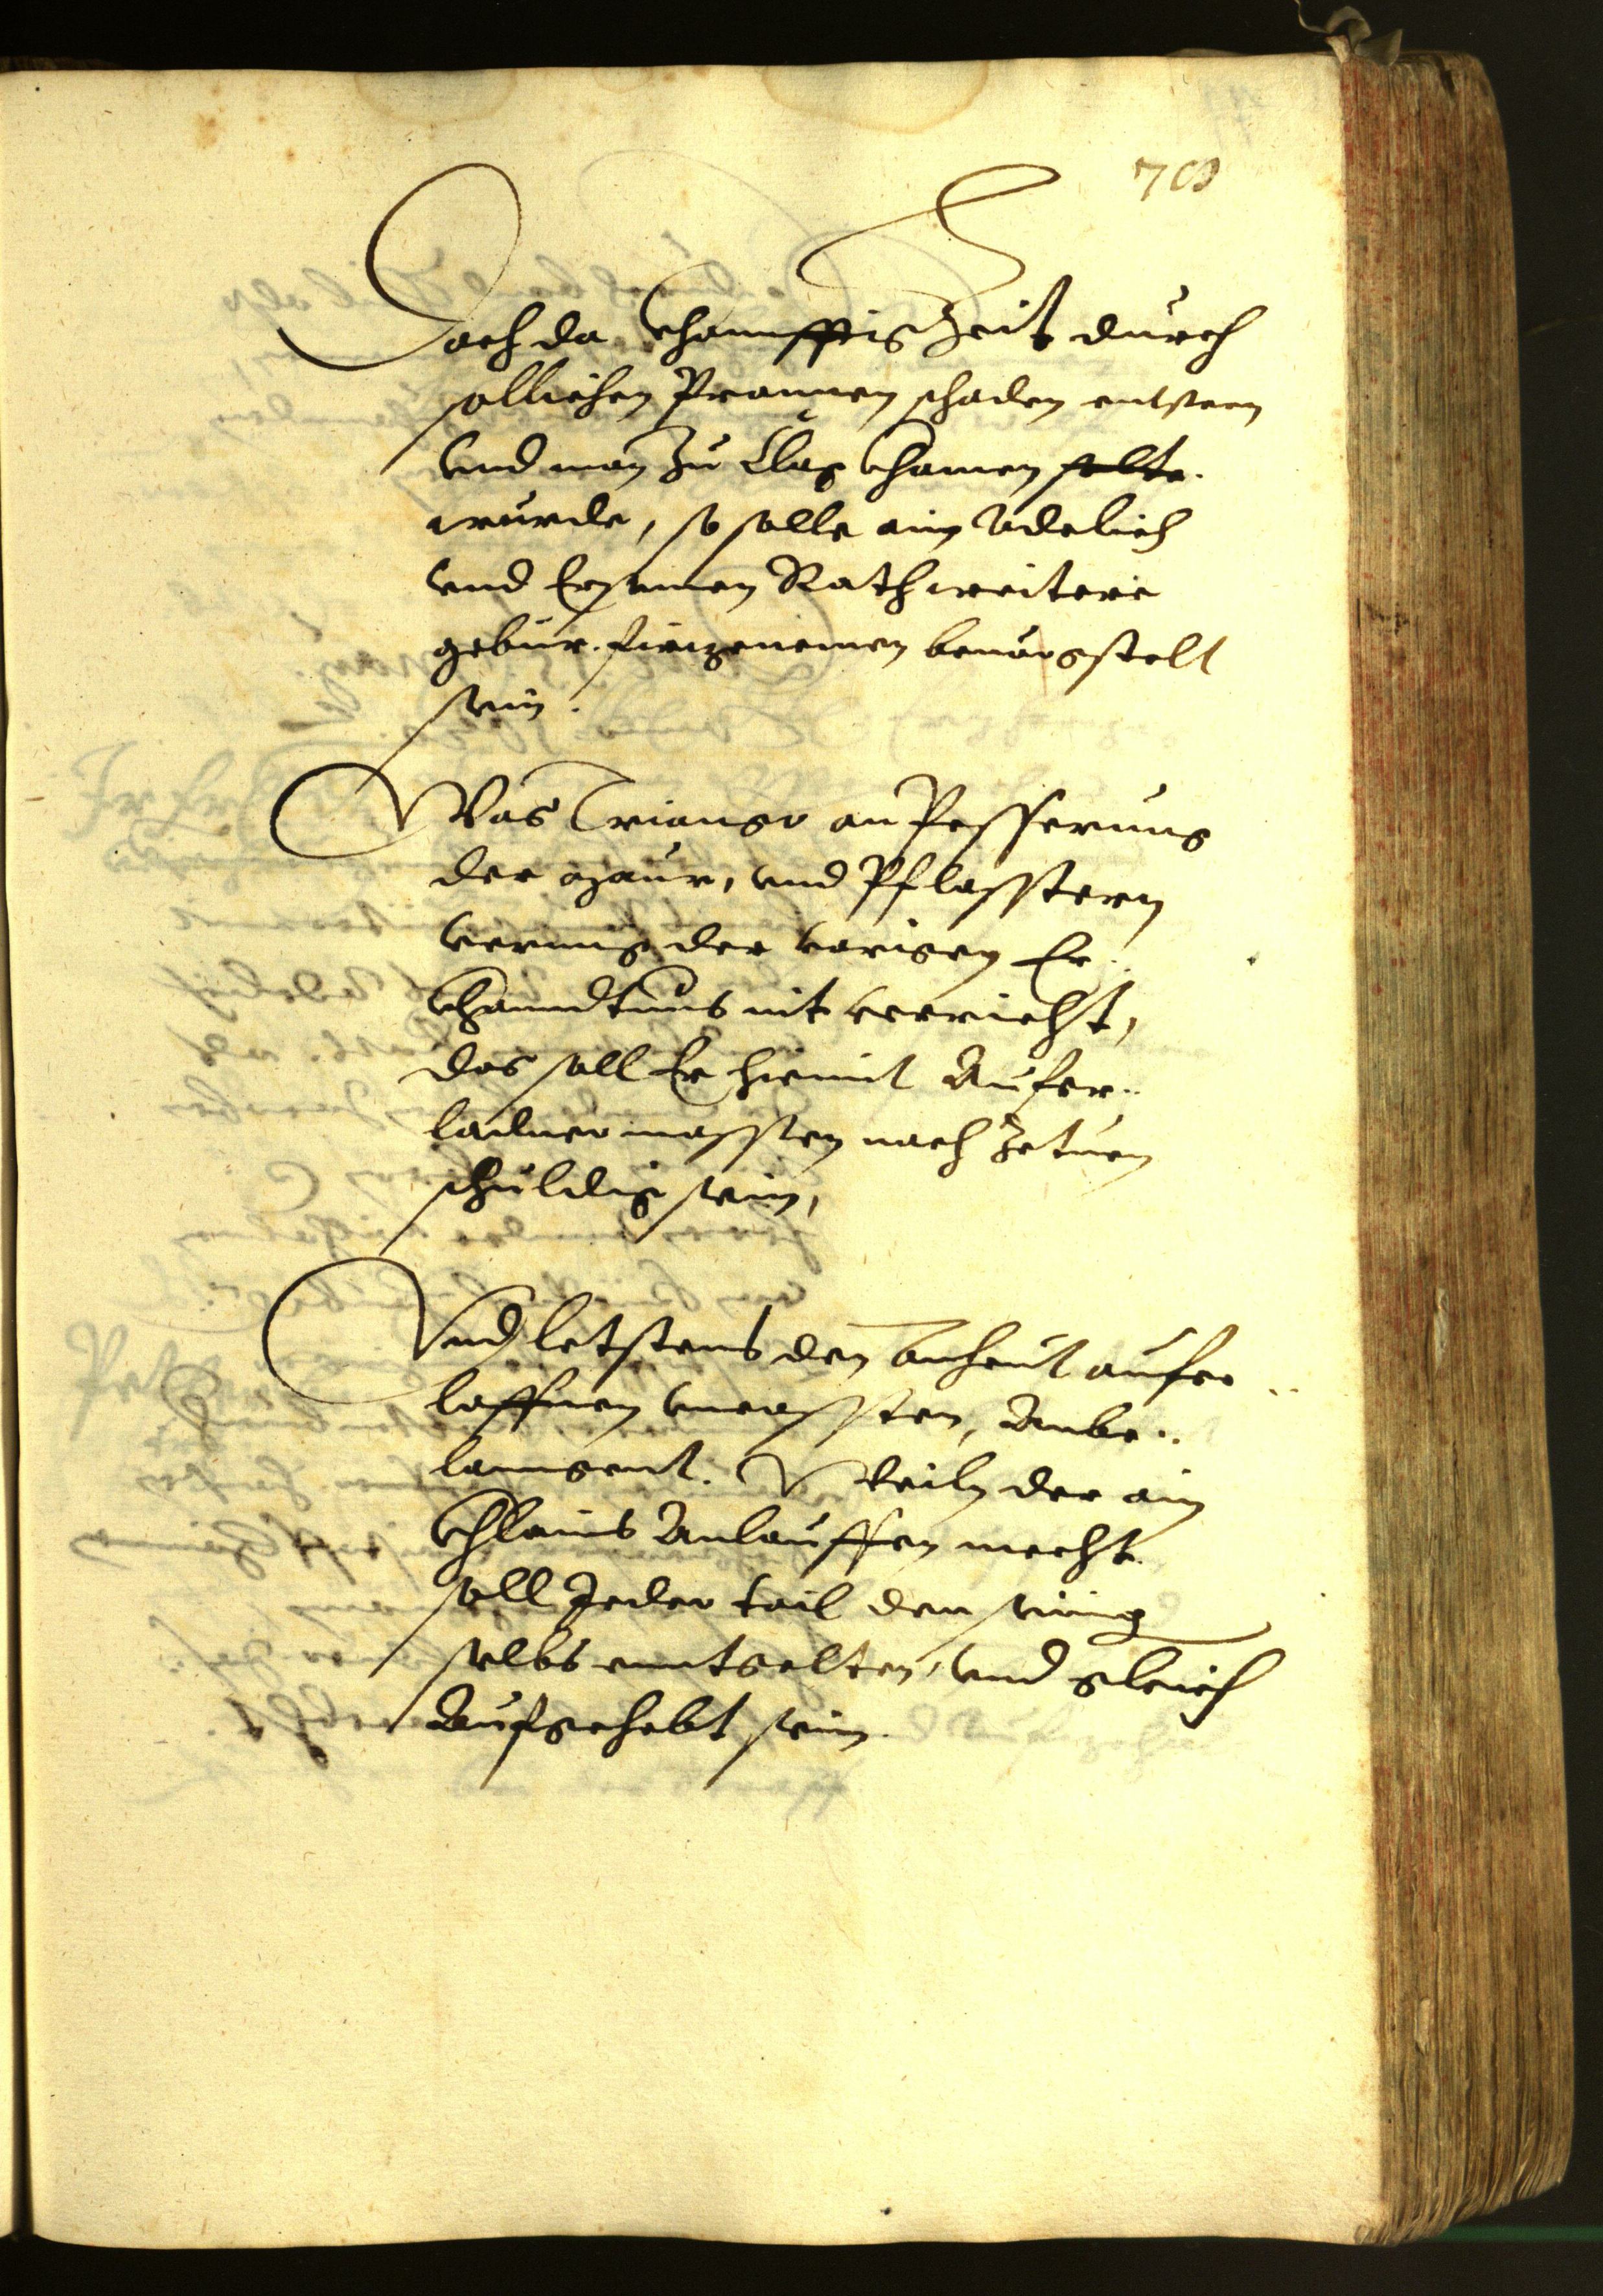78
Doch da khonnfftigzeit dūrch
sollichen Pronnen schaden entsteen
vnd man Zū Clag khomen solte.
wūrde, so solle ain Adelich
vnd Ersamen Rath weiter
gebür. firzenemen beūorgestelt
sein.
Was Triango an Pesserūng
der Maūr, vnd Pflasstern
vermig der vorigen Er-
khonndtūng nit verricht,
das soll Er hiemit Aūfer-
laden massen nach Zetūen
schūldig sein,
Vnd letstens den Anheūt aūfer-
loffnen vncossten Anbe¬
lanngent. Weiln der ain
khlains Anlaūffen mecht.
soll Jeder tail den seinig
selbs enntgelten, vnd gleich
Aūfgehebt sein.